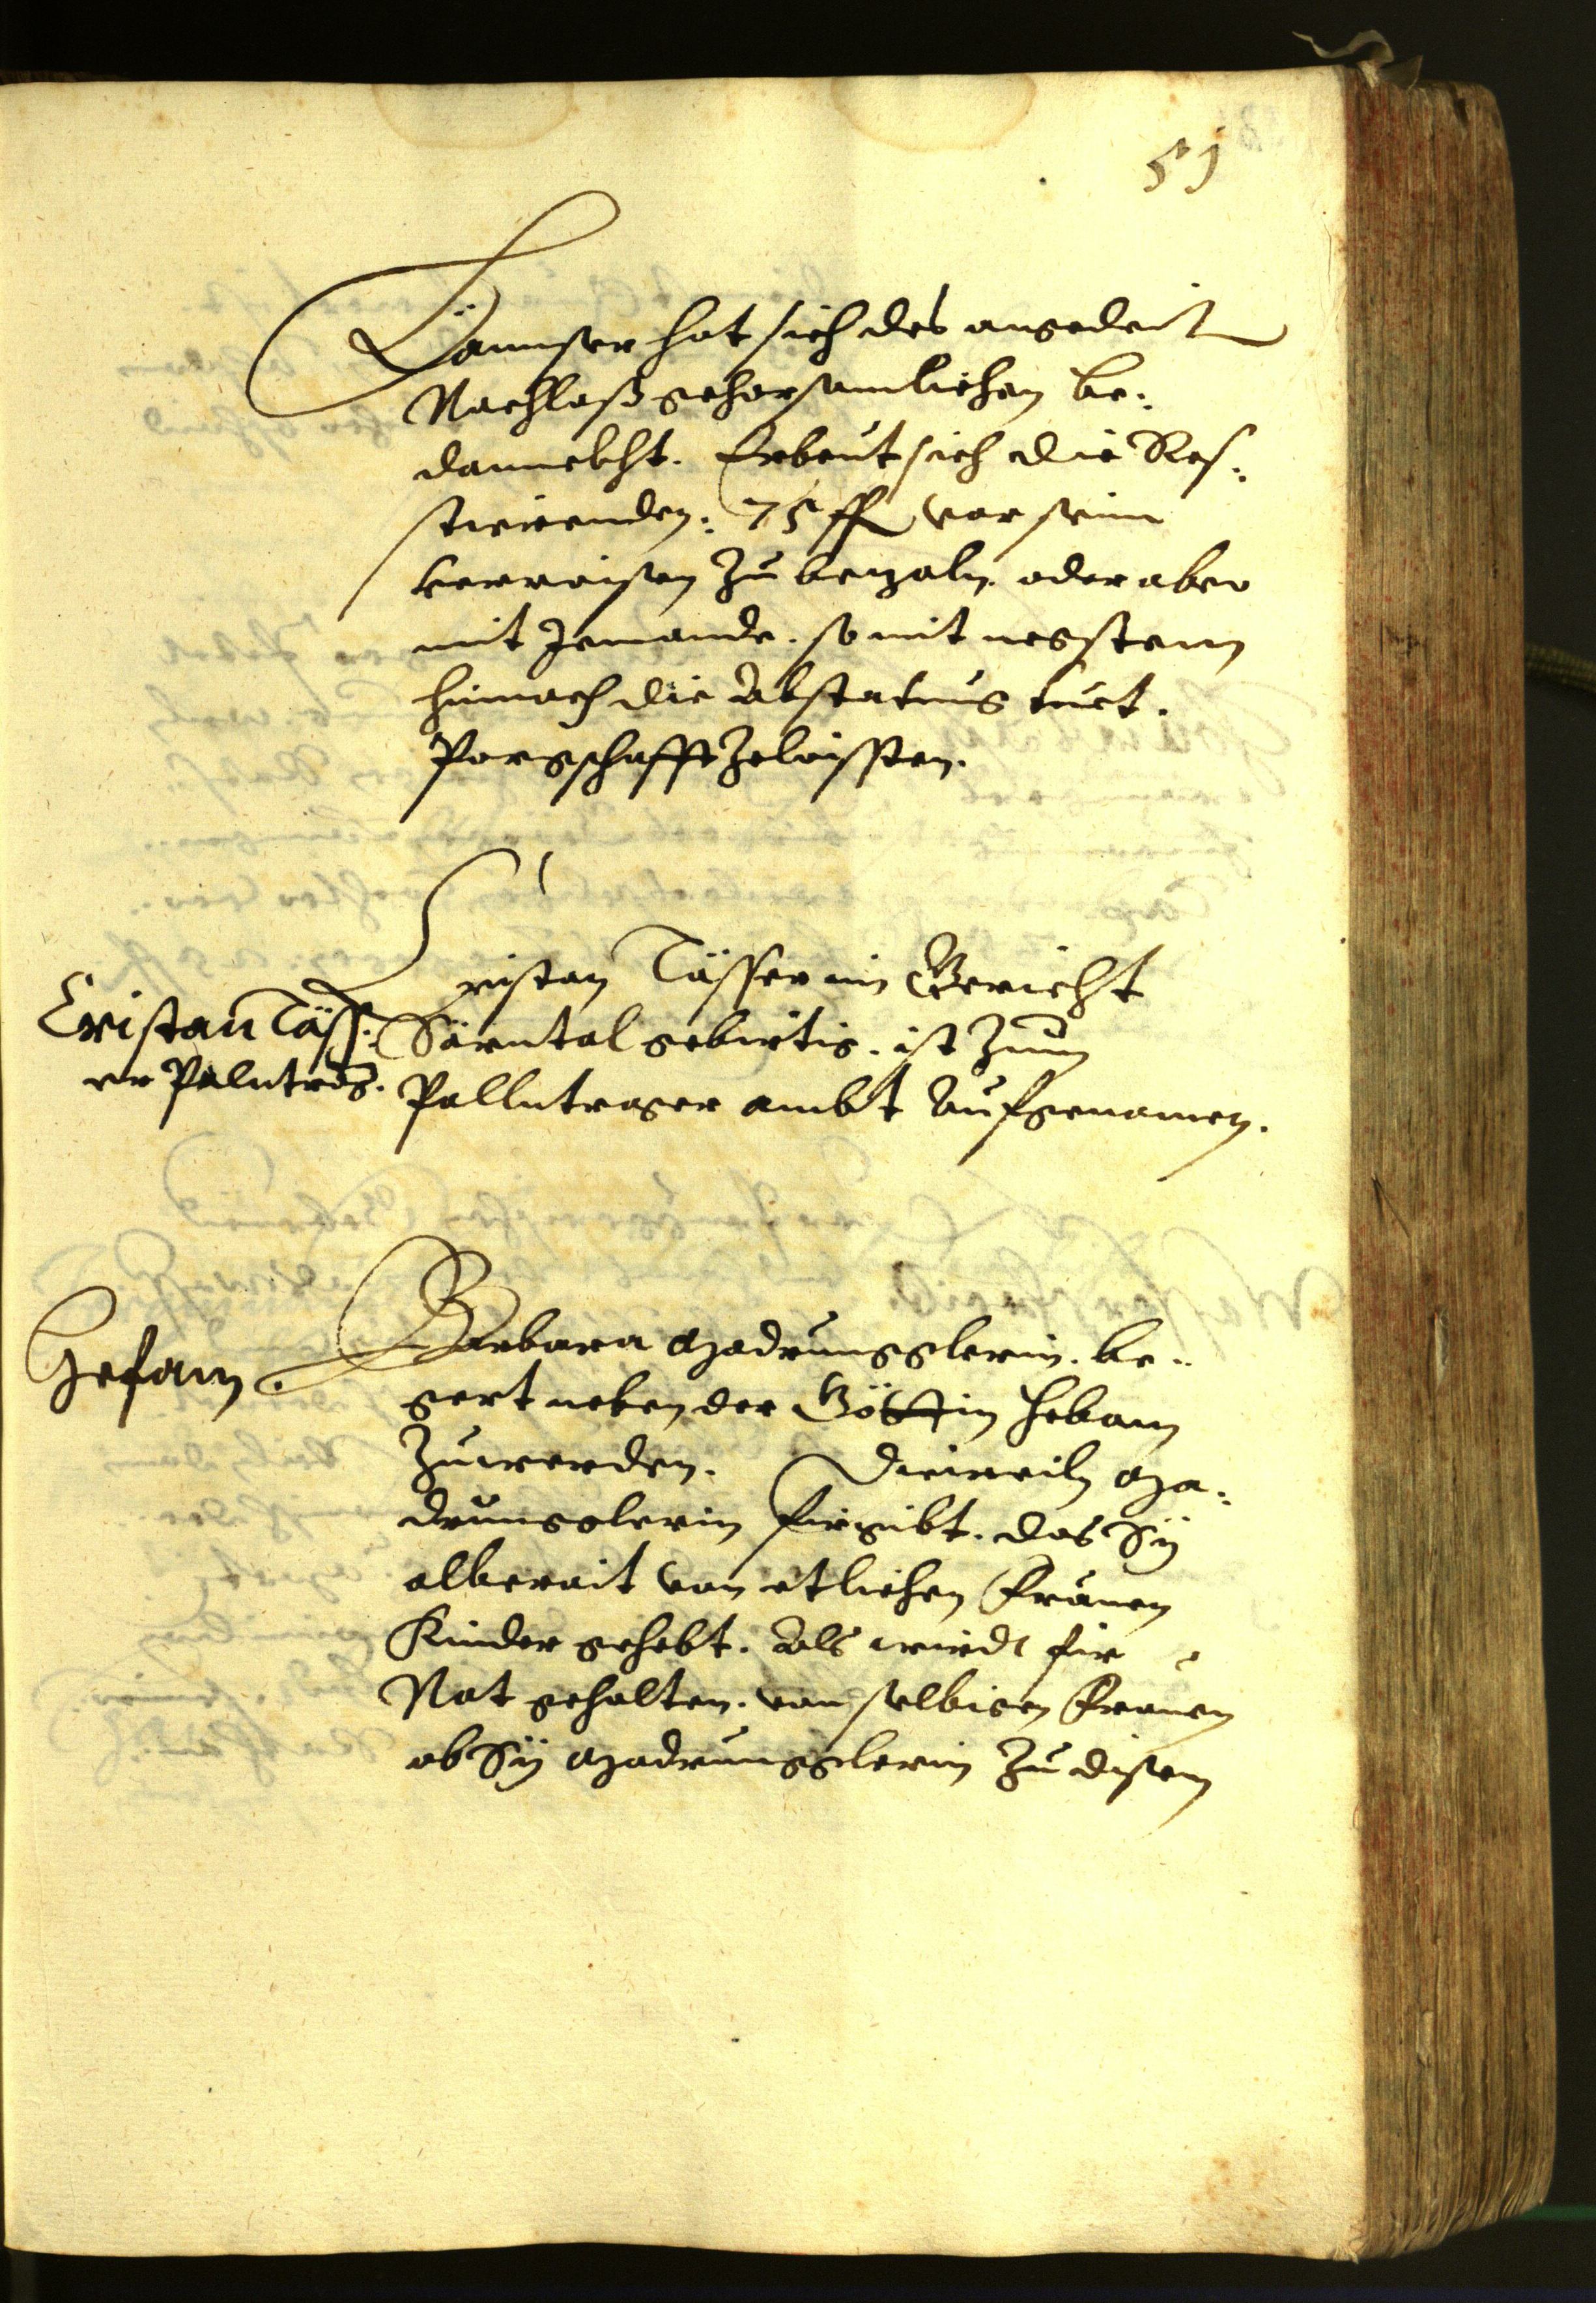51
Lännser hat sich des angedeit
Nachlaß gehorsamlichen be¬
dannckht. Erbeūt sich die Res¬
stierenden: 75 fl vor seiner
verraisen Zū bezaln. oder aber
mit Jemande. so mit negstem
hinach die Abstatūng tūet.
Porgschafft Zelaissten.
Cristan Täss¬
er Palntrag.
Cristan Tässer im Gericht
Särntal gebirtig. ist Zūm
Pallntrager ambt Aūfgenomen.
Barbara Madrūngglerin. be¬
gert neben der Göttin Hebam
Zūwerden. Dieweiln Ma¬
drūngglerin firgibt. das Sÿ
alberait von etlichen Fraūen
Kinder gehebt. Als wirdt fir
Not gehalten. von selbigen fraūen
ob Sÿ Madrūngglerin Zū disem
Hefam.